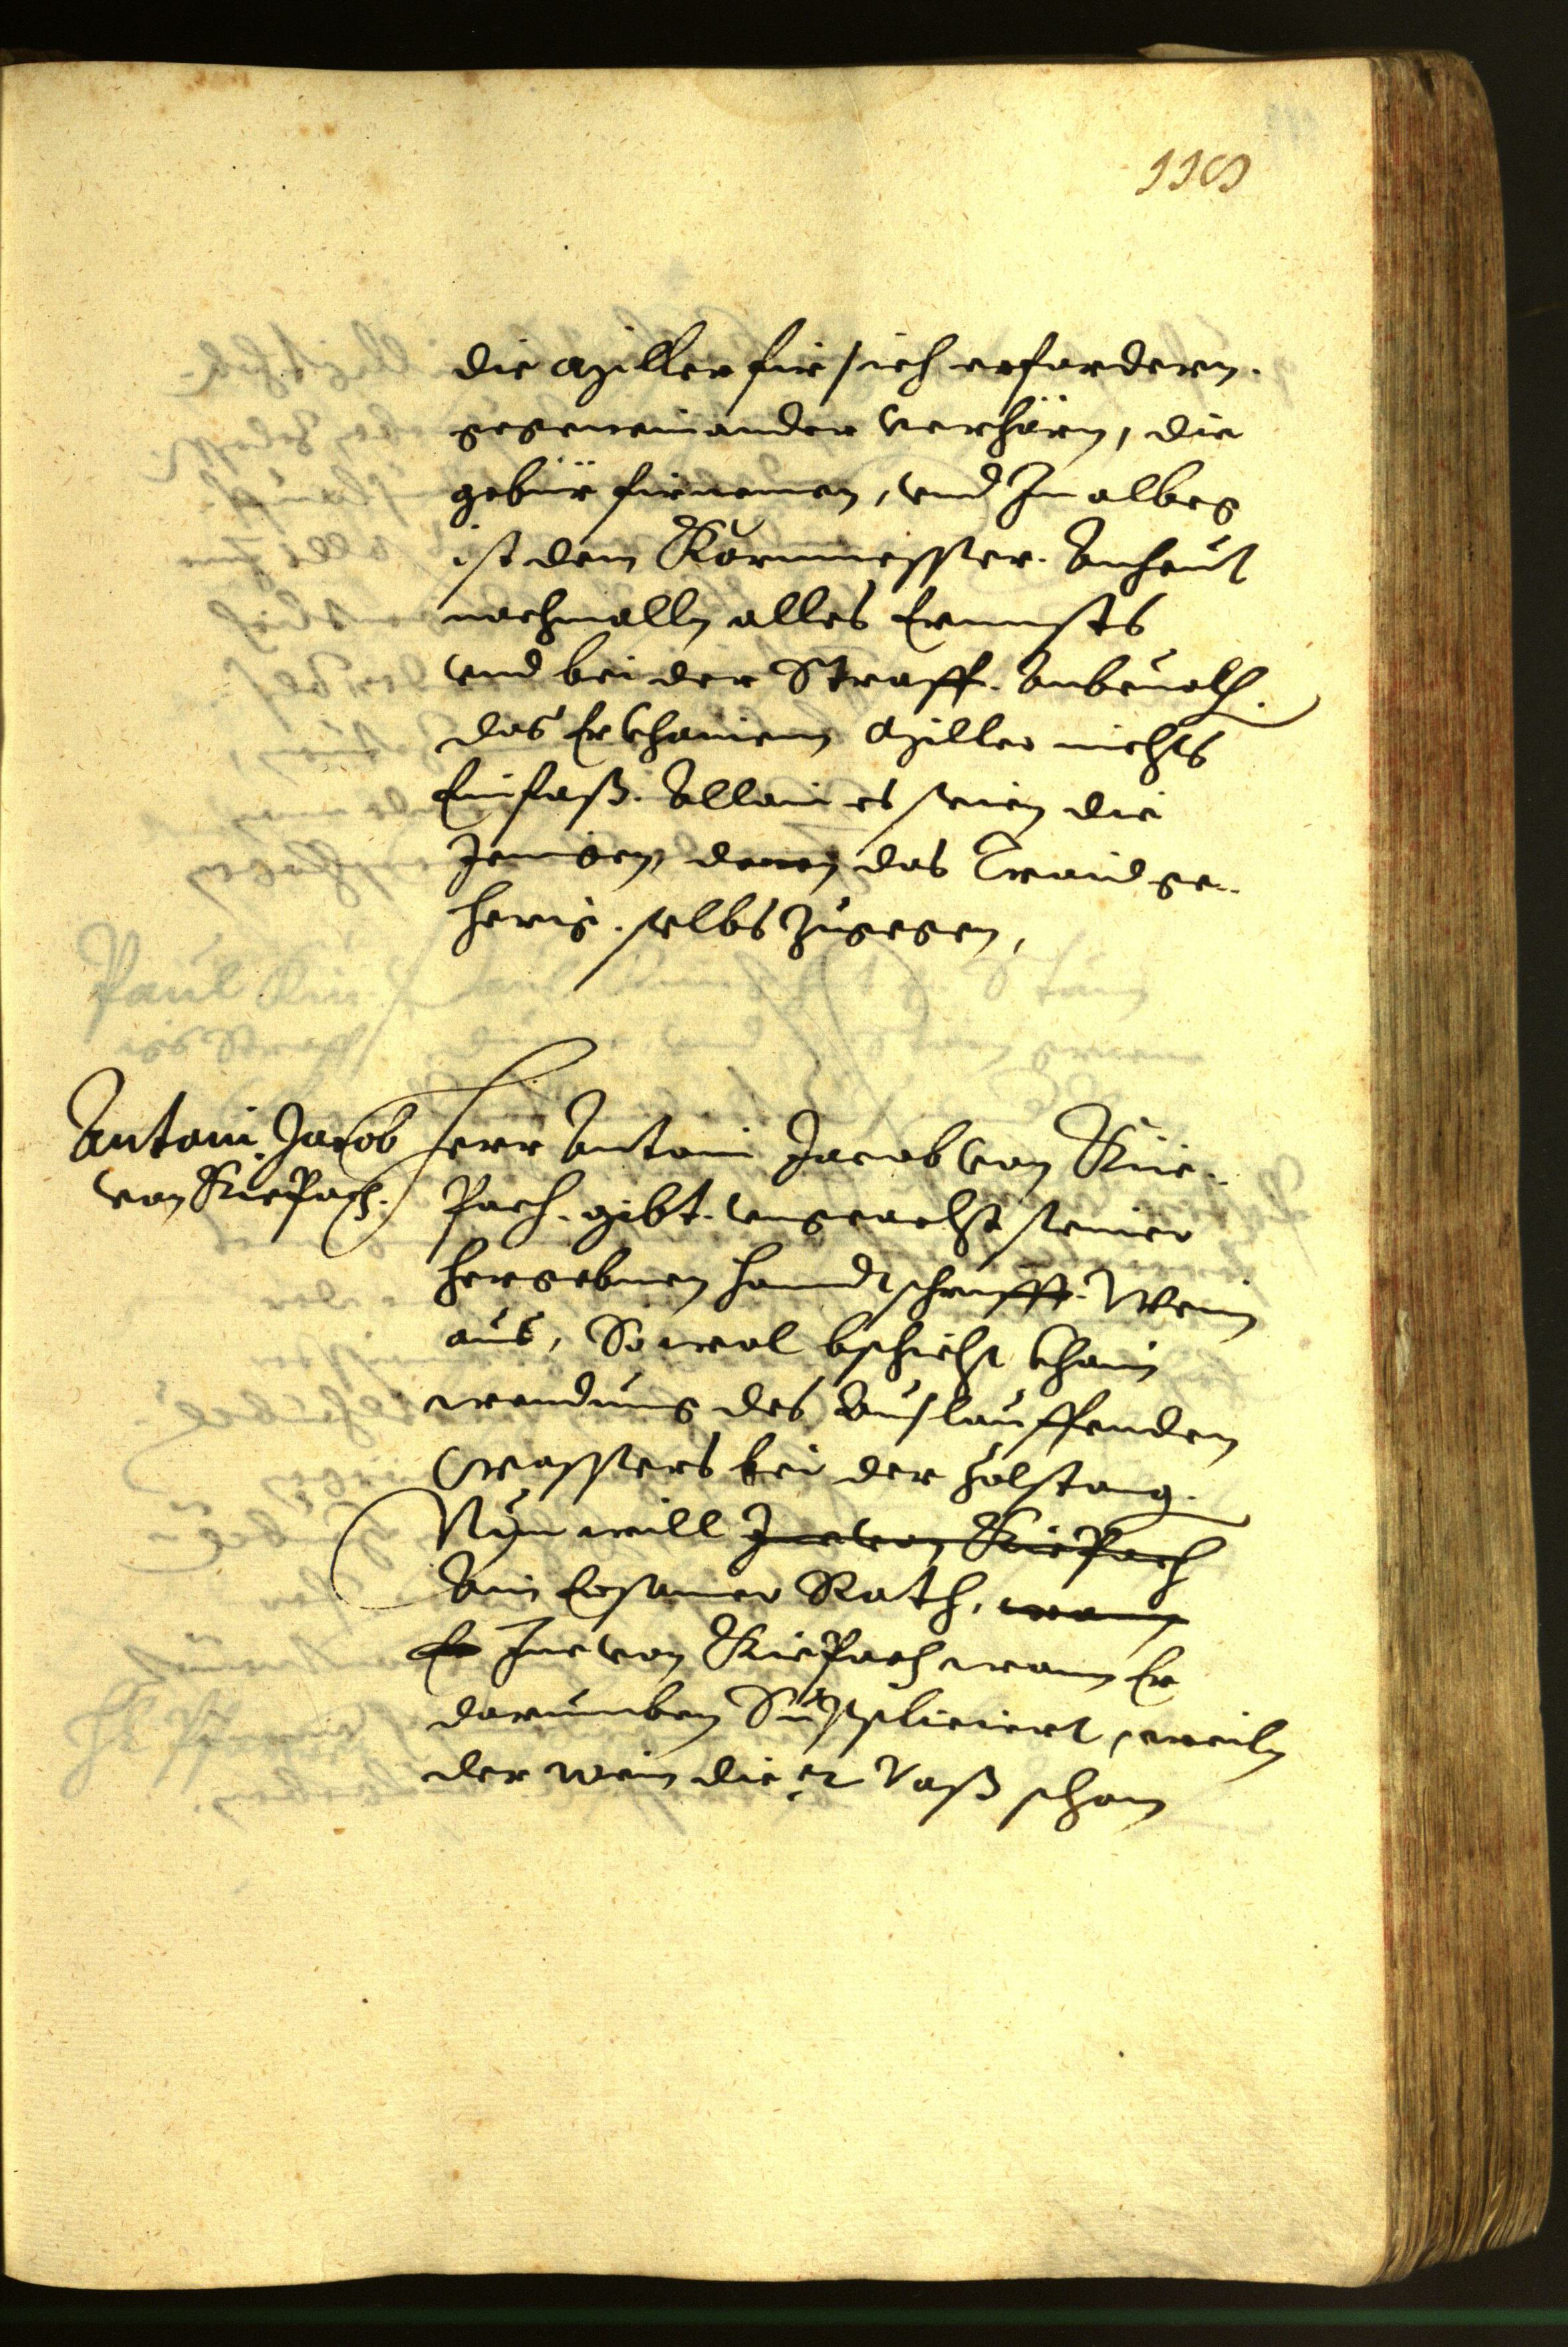118
die Miller fir sich erfordern.
gegeneinander verhörn, die
gebür firnemen, vnd In albeg
ist den Kōrnmesser. Anheūt
nochmalln alles Ernnsts
vnd bei der Straff Anbeūolh.
das Er khainem Miller nichts
Einfaß. Allain es seien die
Jenigen denen das Traid ge¬
herig. selbs Zūgegen,
Herrn Antoni Jacob von Küe¬
Pach. gibt. vngeacht seiner
hergebnen hanndtschrifft. Wein
aūs, So wol bschicht khain
wendūng des Aūslaūffenden
Wassers bei der Zolstang.
Nūn will Ime von KiePach
Ain Ersamer Rath. wann
Er Ime von KiePach wann Er
darūmben SūPpliciert, weiln
der wein die .2 Vaß schon
Antoni Jacob
von KiePach.